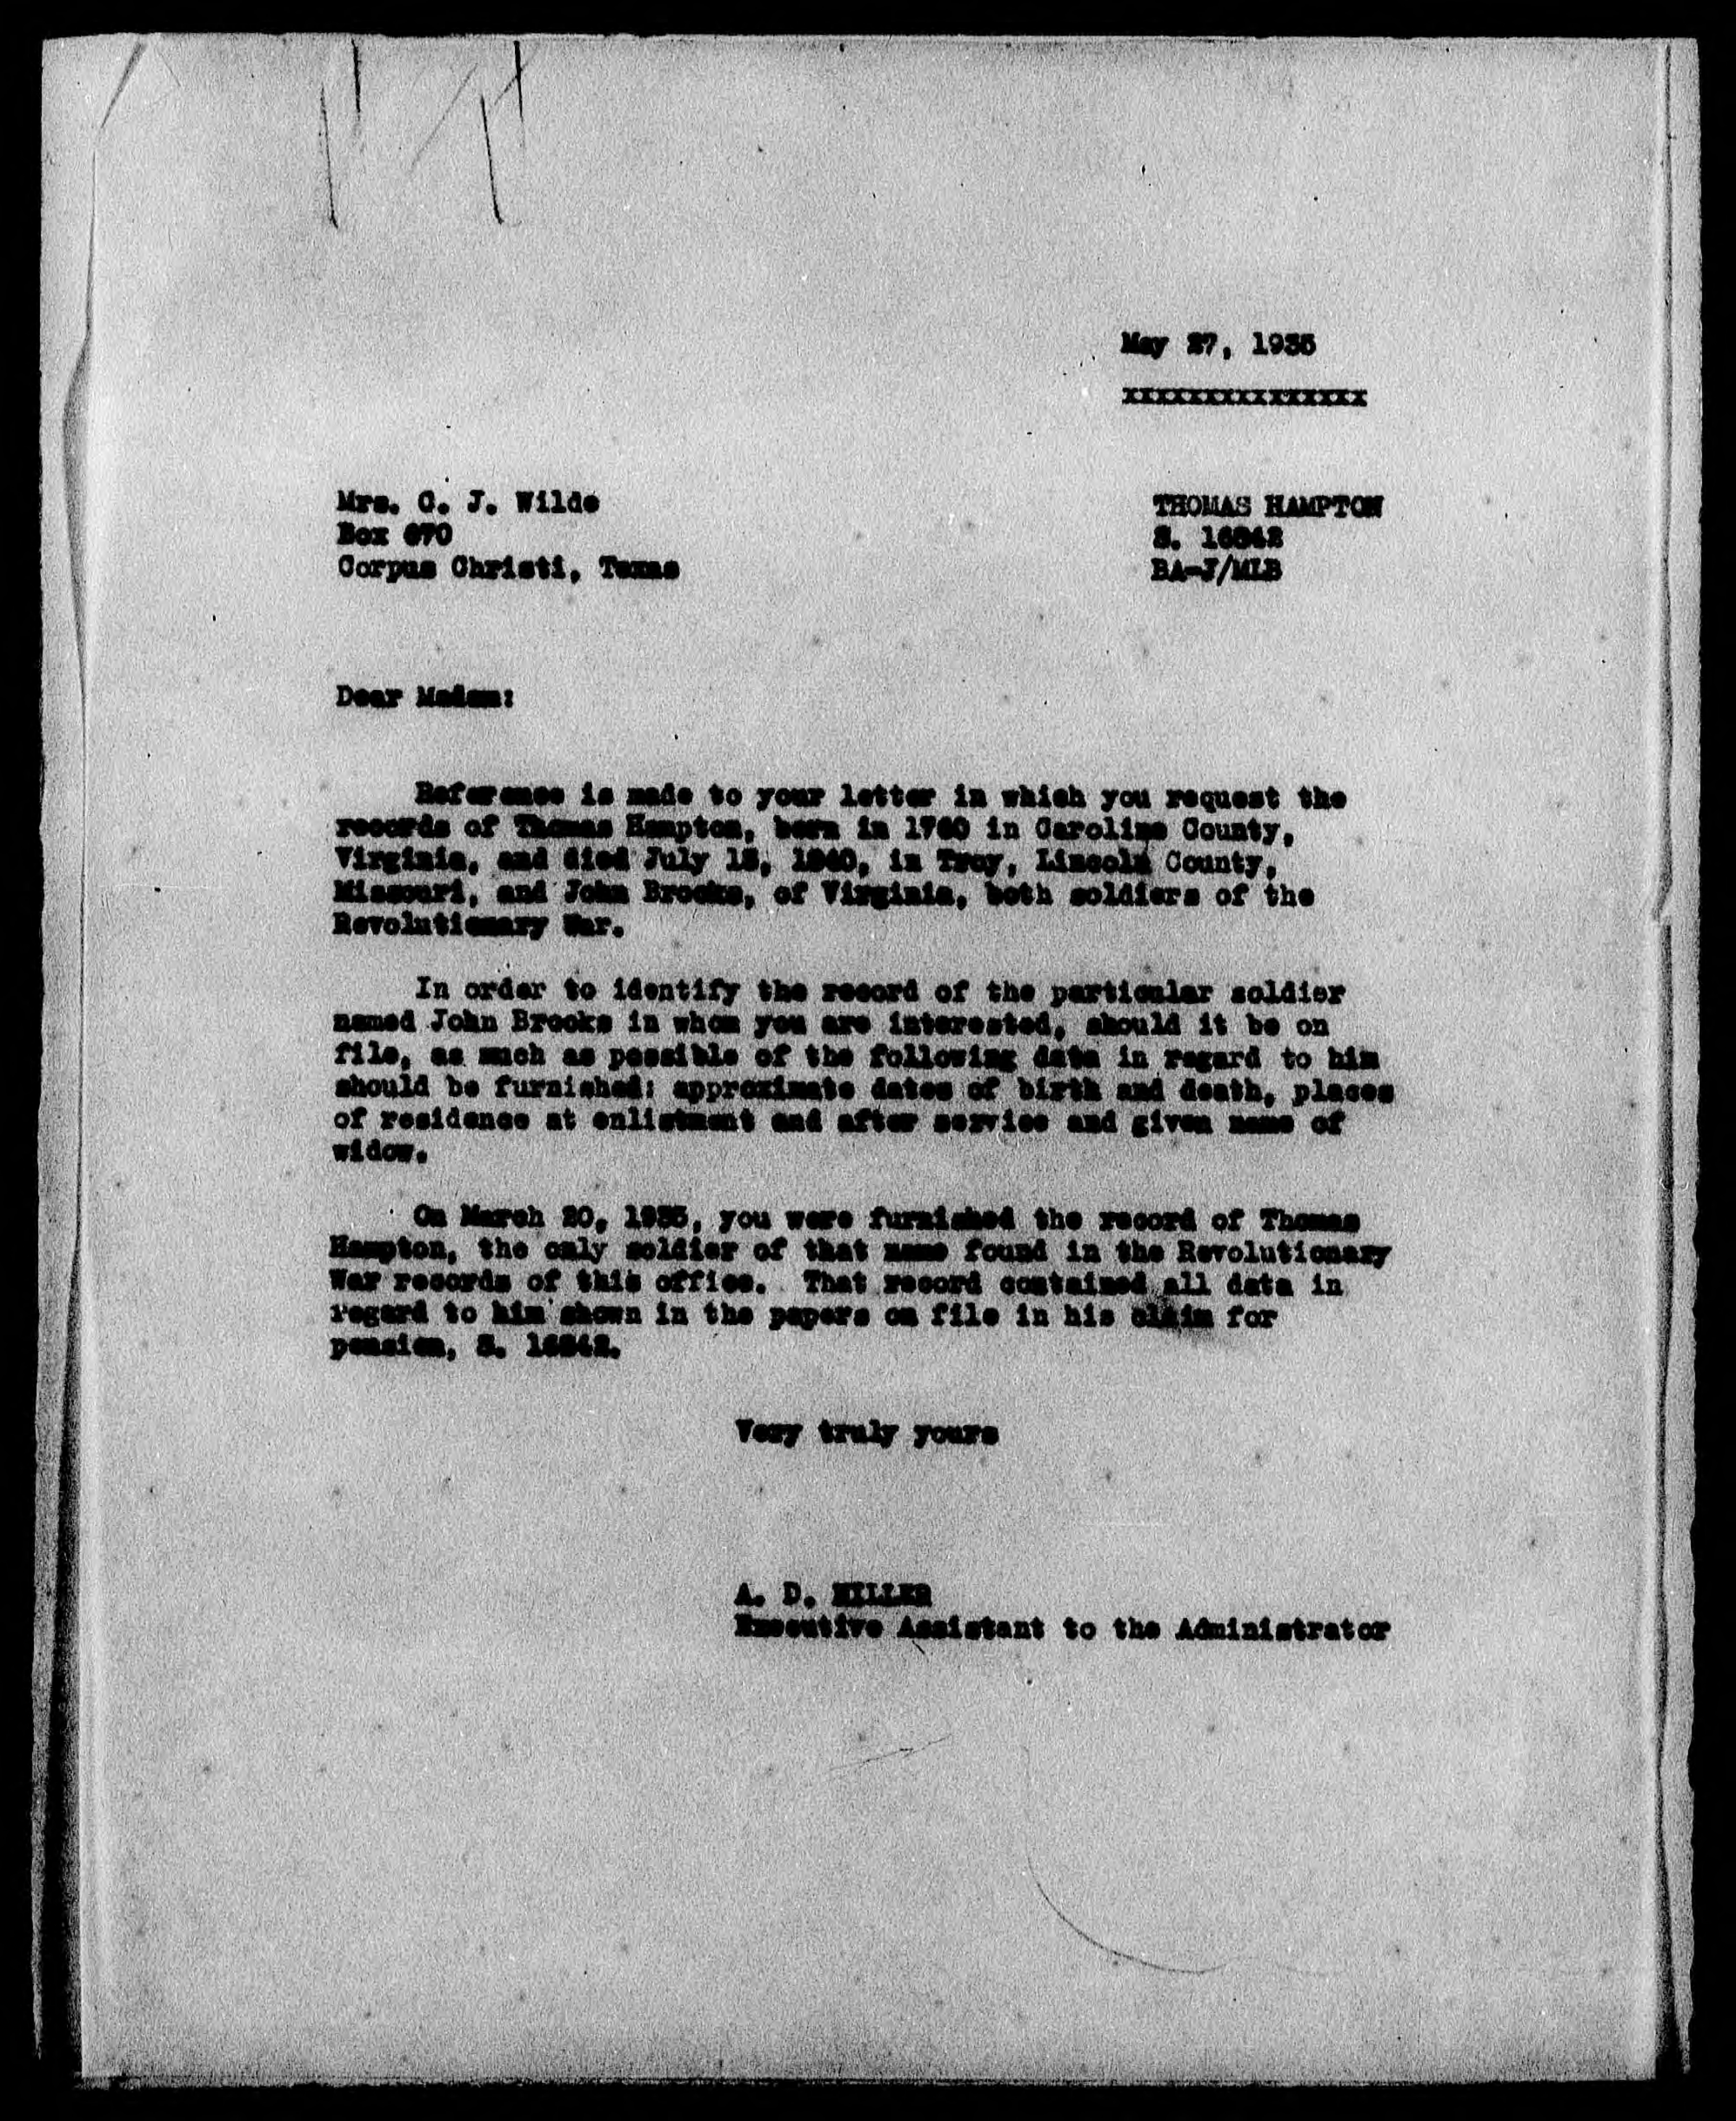May 27, 1935
THOMAS HAMPTON                                     
S. 16842
BA—J/MLB

Mrs. O. J. Wilde                        
Box 870
Corpus Christi, Texas

Dear Madam:

Reference is made to your letter in which you request the records of Thomas Hampton, born in 1760 in Caroline County, Virginia, and died July 18, 1840, in Troy, Lincoln County, 
Missouri, and John Brooks, of Virginia, both soldiers of the Revolutionary War.

In order to identify the record of the particular soldier named John Brooks in whom you are interested, should it be on file, as much as possible of the following data in regard to him should be furnished: approximate dates of birth and death, places of residence at enlistment and after service and given name of widow. 

On March 20, 1935, you were furnished the record of Thomas Hampton, the only soldier of that name found is the Revolutionary War records of this office. That record contained all data in regard to him shown in the papers on file in his claim for pension, S. 16842. 

Very truly yours
A. D. HILLER
Executive Assistant to the Administrator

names: Thomas Hampton, C J Wilde, John Brooks, A D Hiller, John Brooks, Thomas Hampton, Thomas Hampton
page: 16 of 26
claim: survivor's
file: S. 16842, Thomas Hampton, Va.